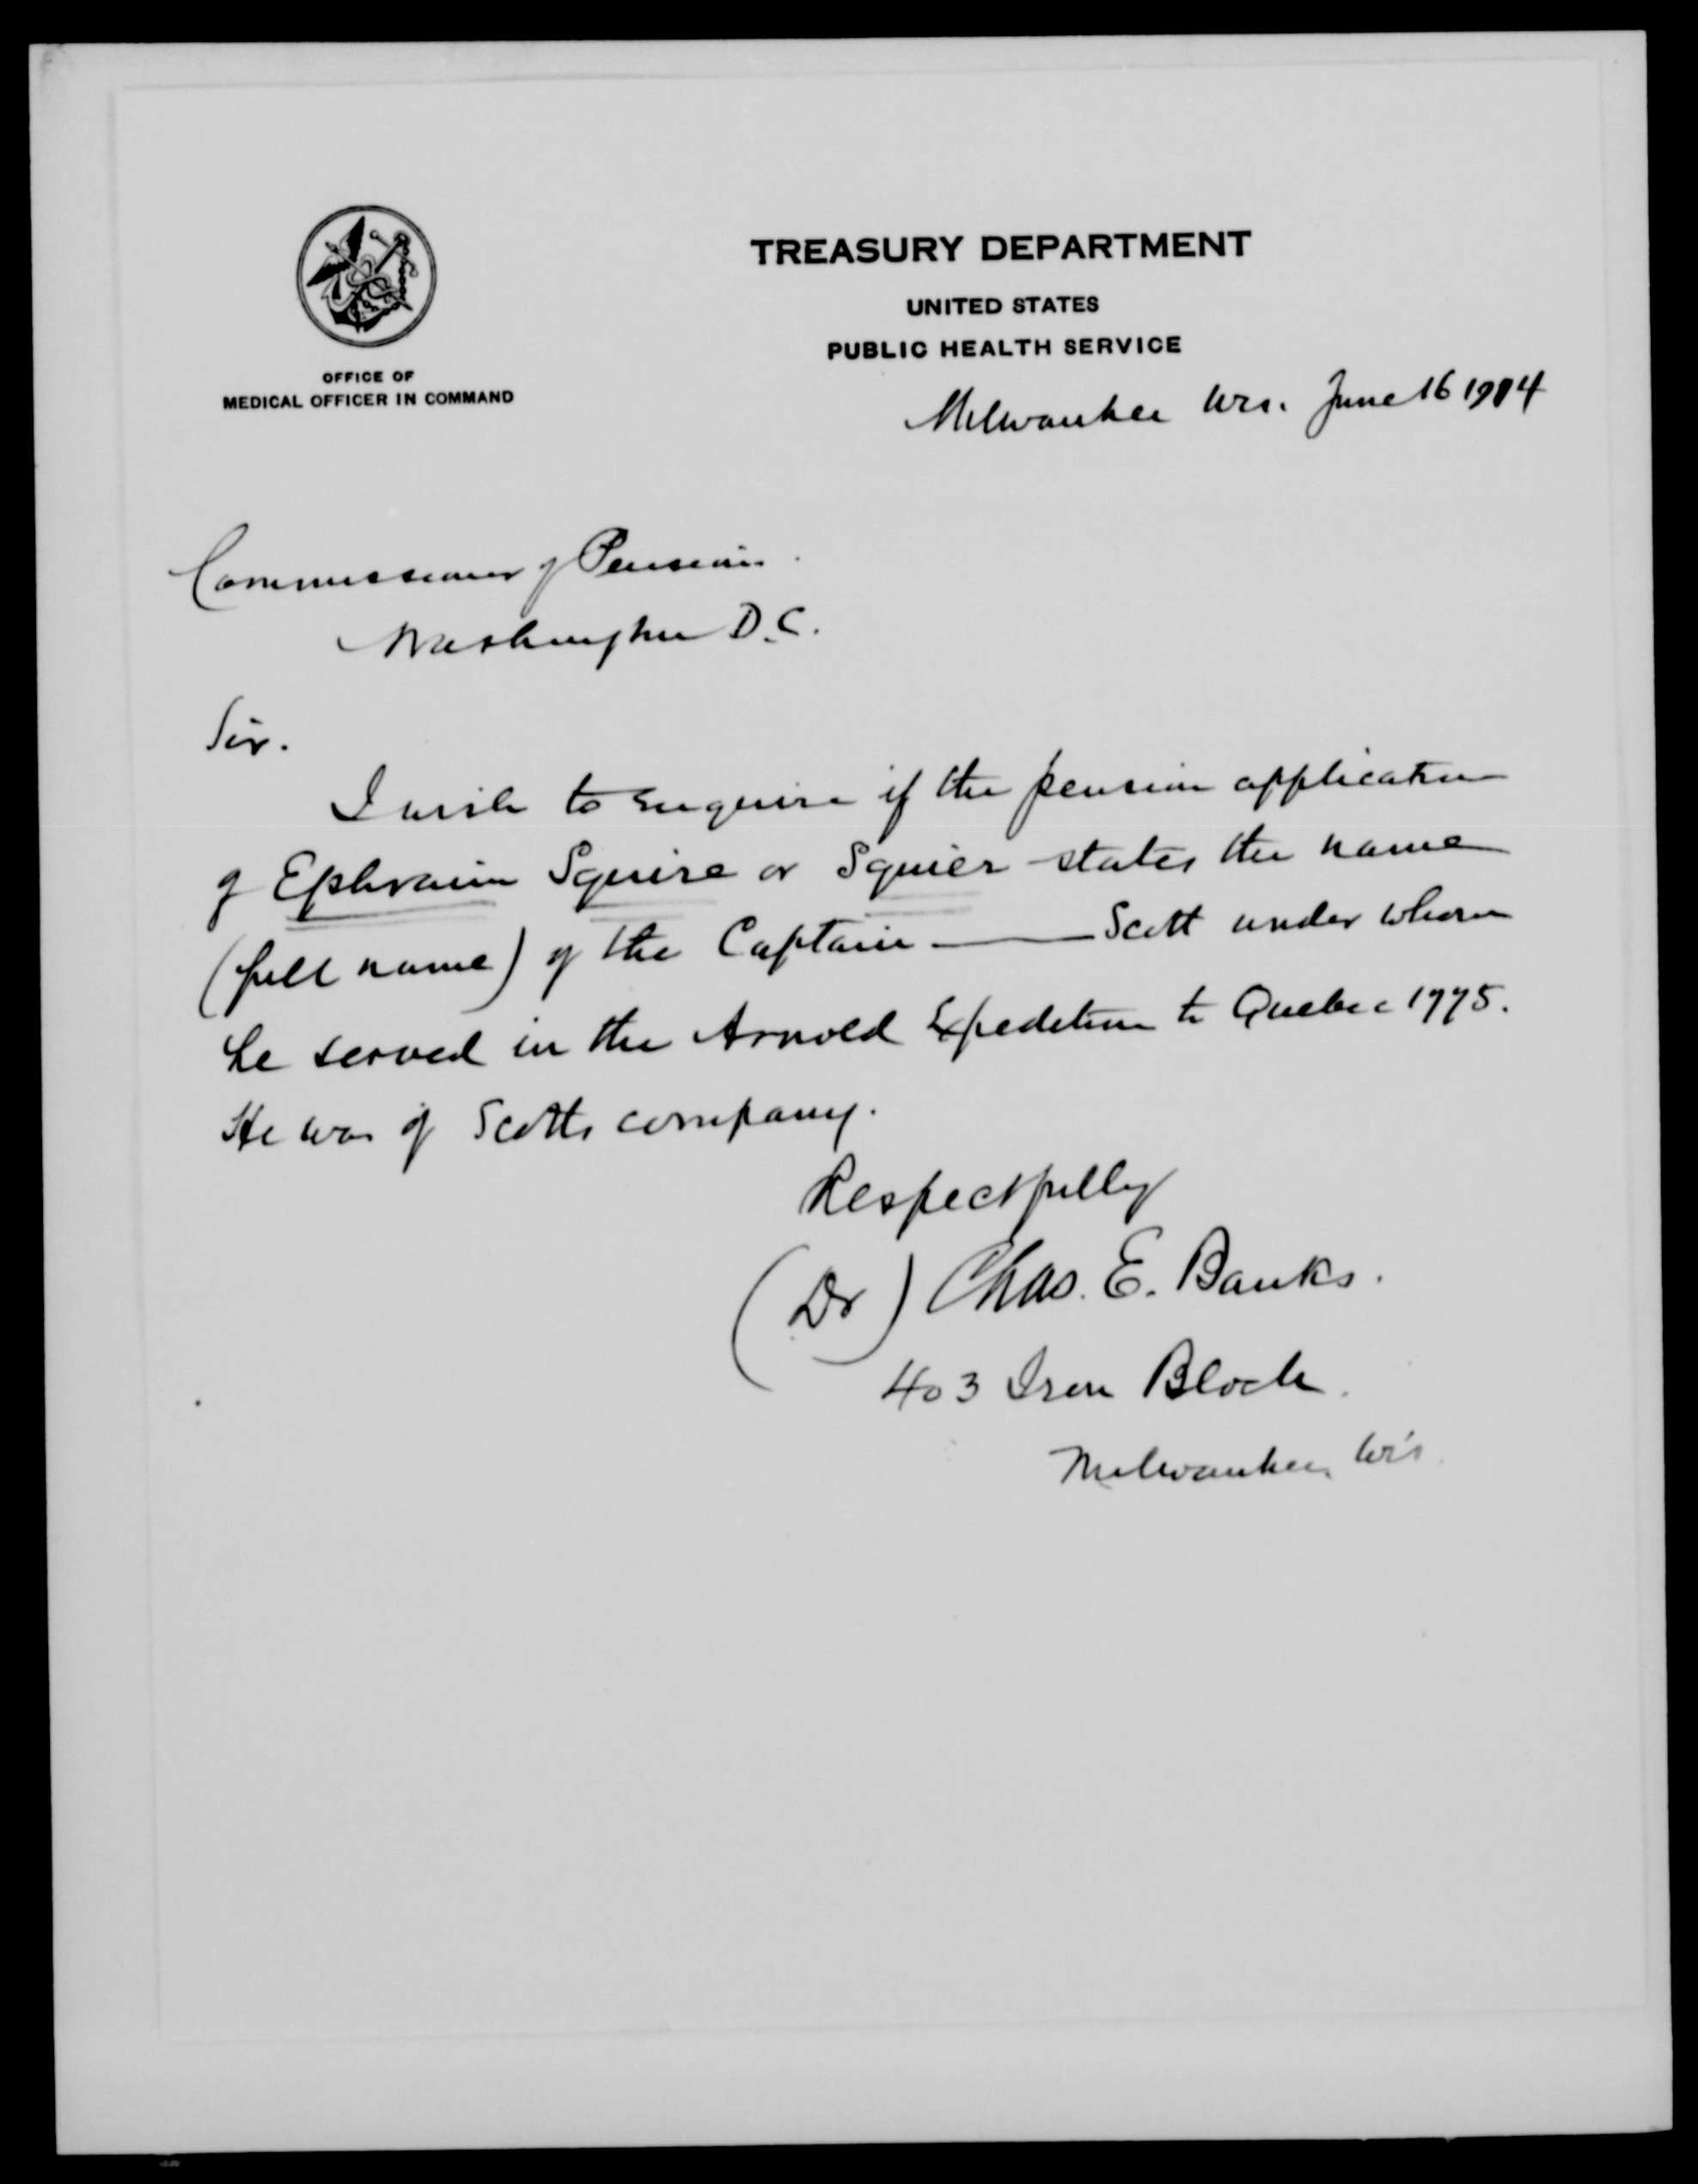Treasury Department
United States 
Public Health Services
Milwaukee Wis. June 16, 1904

Commissioner of Pensions
Washington D.C.

Sir, 
I write to inquire if the pension application of Ephraim Squire or Squier states the name (full name) of the Captain _________ Scott under whom he served in the Arnold Expedition to Quebec in 1775 He was of Scotts company. 

Respectfully,
 (Dr) Chas E. Banks,
403 Iron Block 
Milwaukee Wis.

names: Ephraim Squier; Chas E Banks; Ephraim Squire; [BLANK] Scott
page: 30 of 70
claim: rejected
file: R. 10,026, for Ephraim Squier, Connecticut